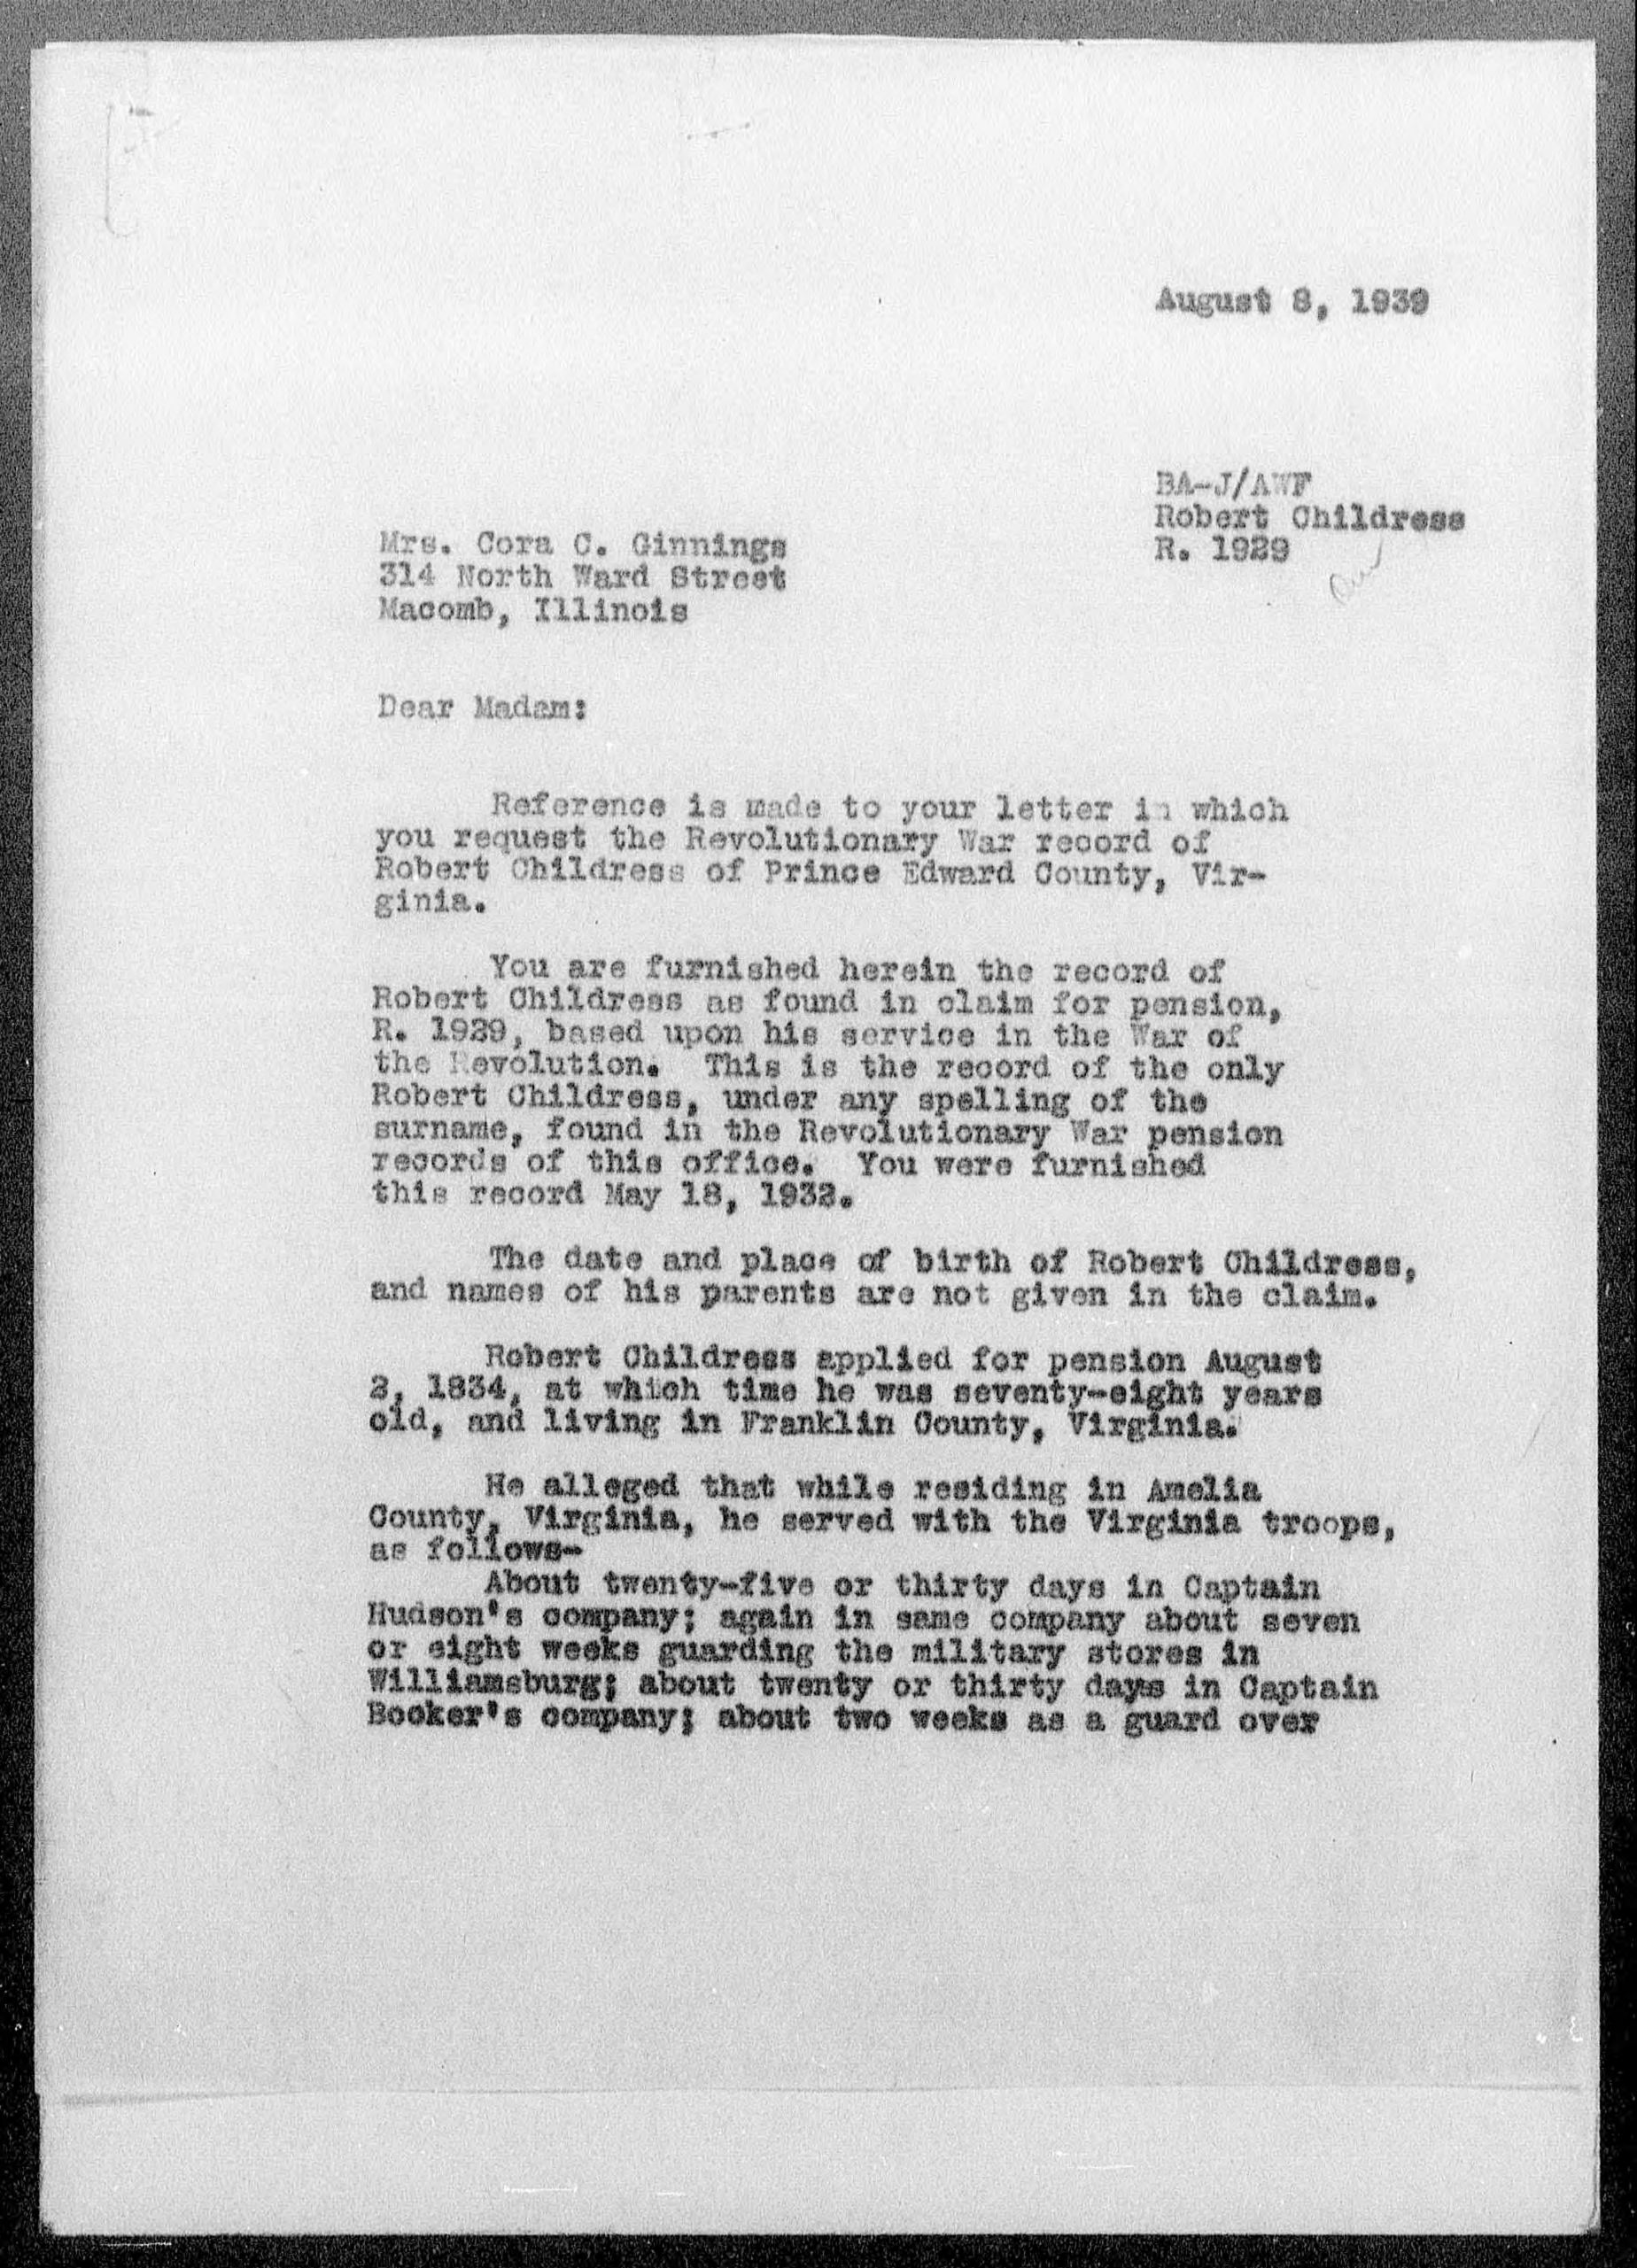August 8, 1939
BA-J/AWF
Robert Childress
R. 1929

Mrs. Cora C. Ginnings
314 North Ward Street
Macomb, Illinois

Dear Madam:

Reference is made to your letter in which
you request the Revolutionary War record of
Robert Childress of Prince Edward County, Virginia
.
You are furnished herein the record of
Robert Childress as found in claim for pension,
R. 1929, based upon his service in the War of
the Revolution. This is the record of the only
Robert Childress, under any spelling of the
surname, found in the Revolutionary War pension
records of this office. You were furnished
this record May 18, 1932.

The date and place of birth of Robert Childress,
and names of his parents are not given in the claim.

Robert Childress applied for pension August
2, 1834, at which time he was seventy-eight years
old, and living in Franklin County, Virginia.
He alleged that while residing in Amelia
County, Virginia, he served with the Virginia troops,
as follows
About twenty-five or thirty days in Captain
Hudson's company; again in same company about seven
or eight weeks guarding the military stores in
Williamsburg; about twenty or thirty days in Captain
Booker's company; about two weeks as a guard over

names: Robert Childress, Robert Childress, Robert Childress, Cora C Ginnings, Robert Childress, Robert Childress, Robert Childress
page: 8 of 25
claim: rejected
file: R. 1929, Robert Childress, Va